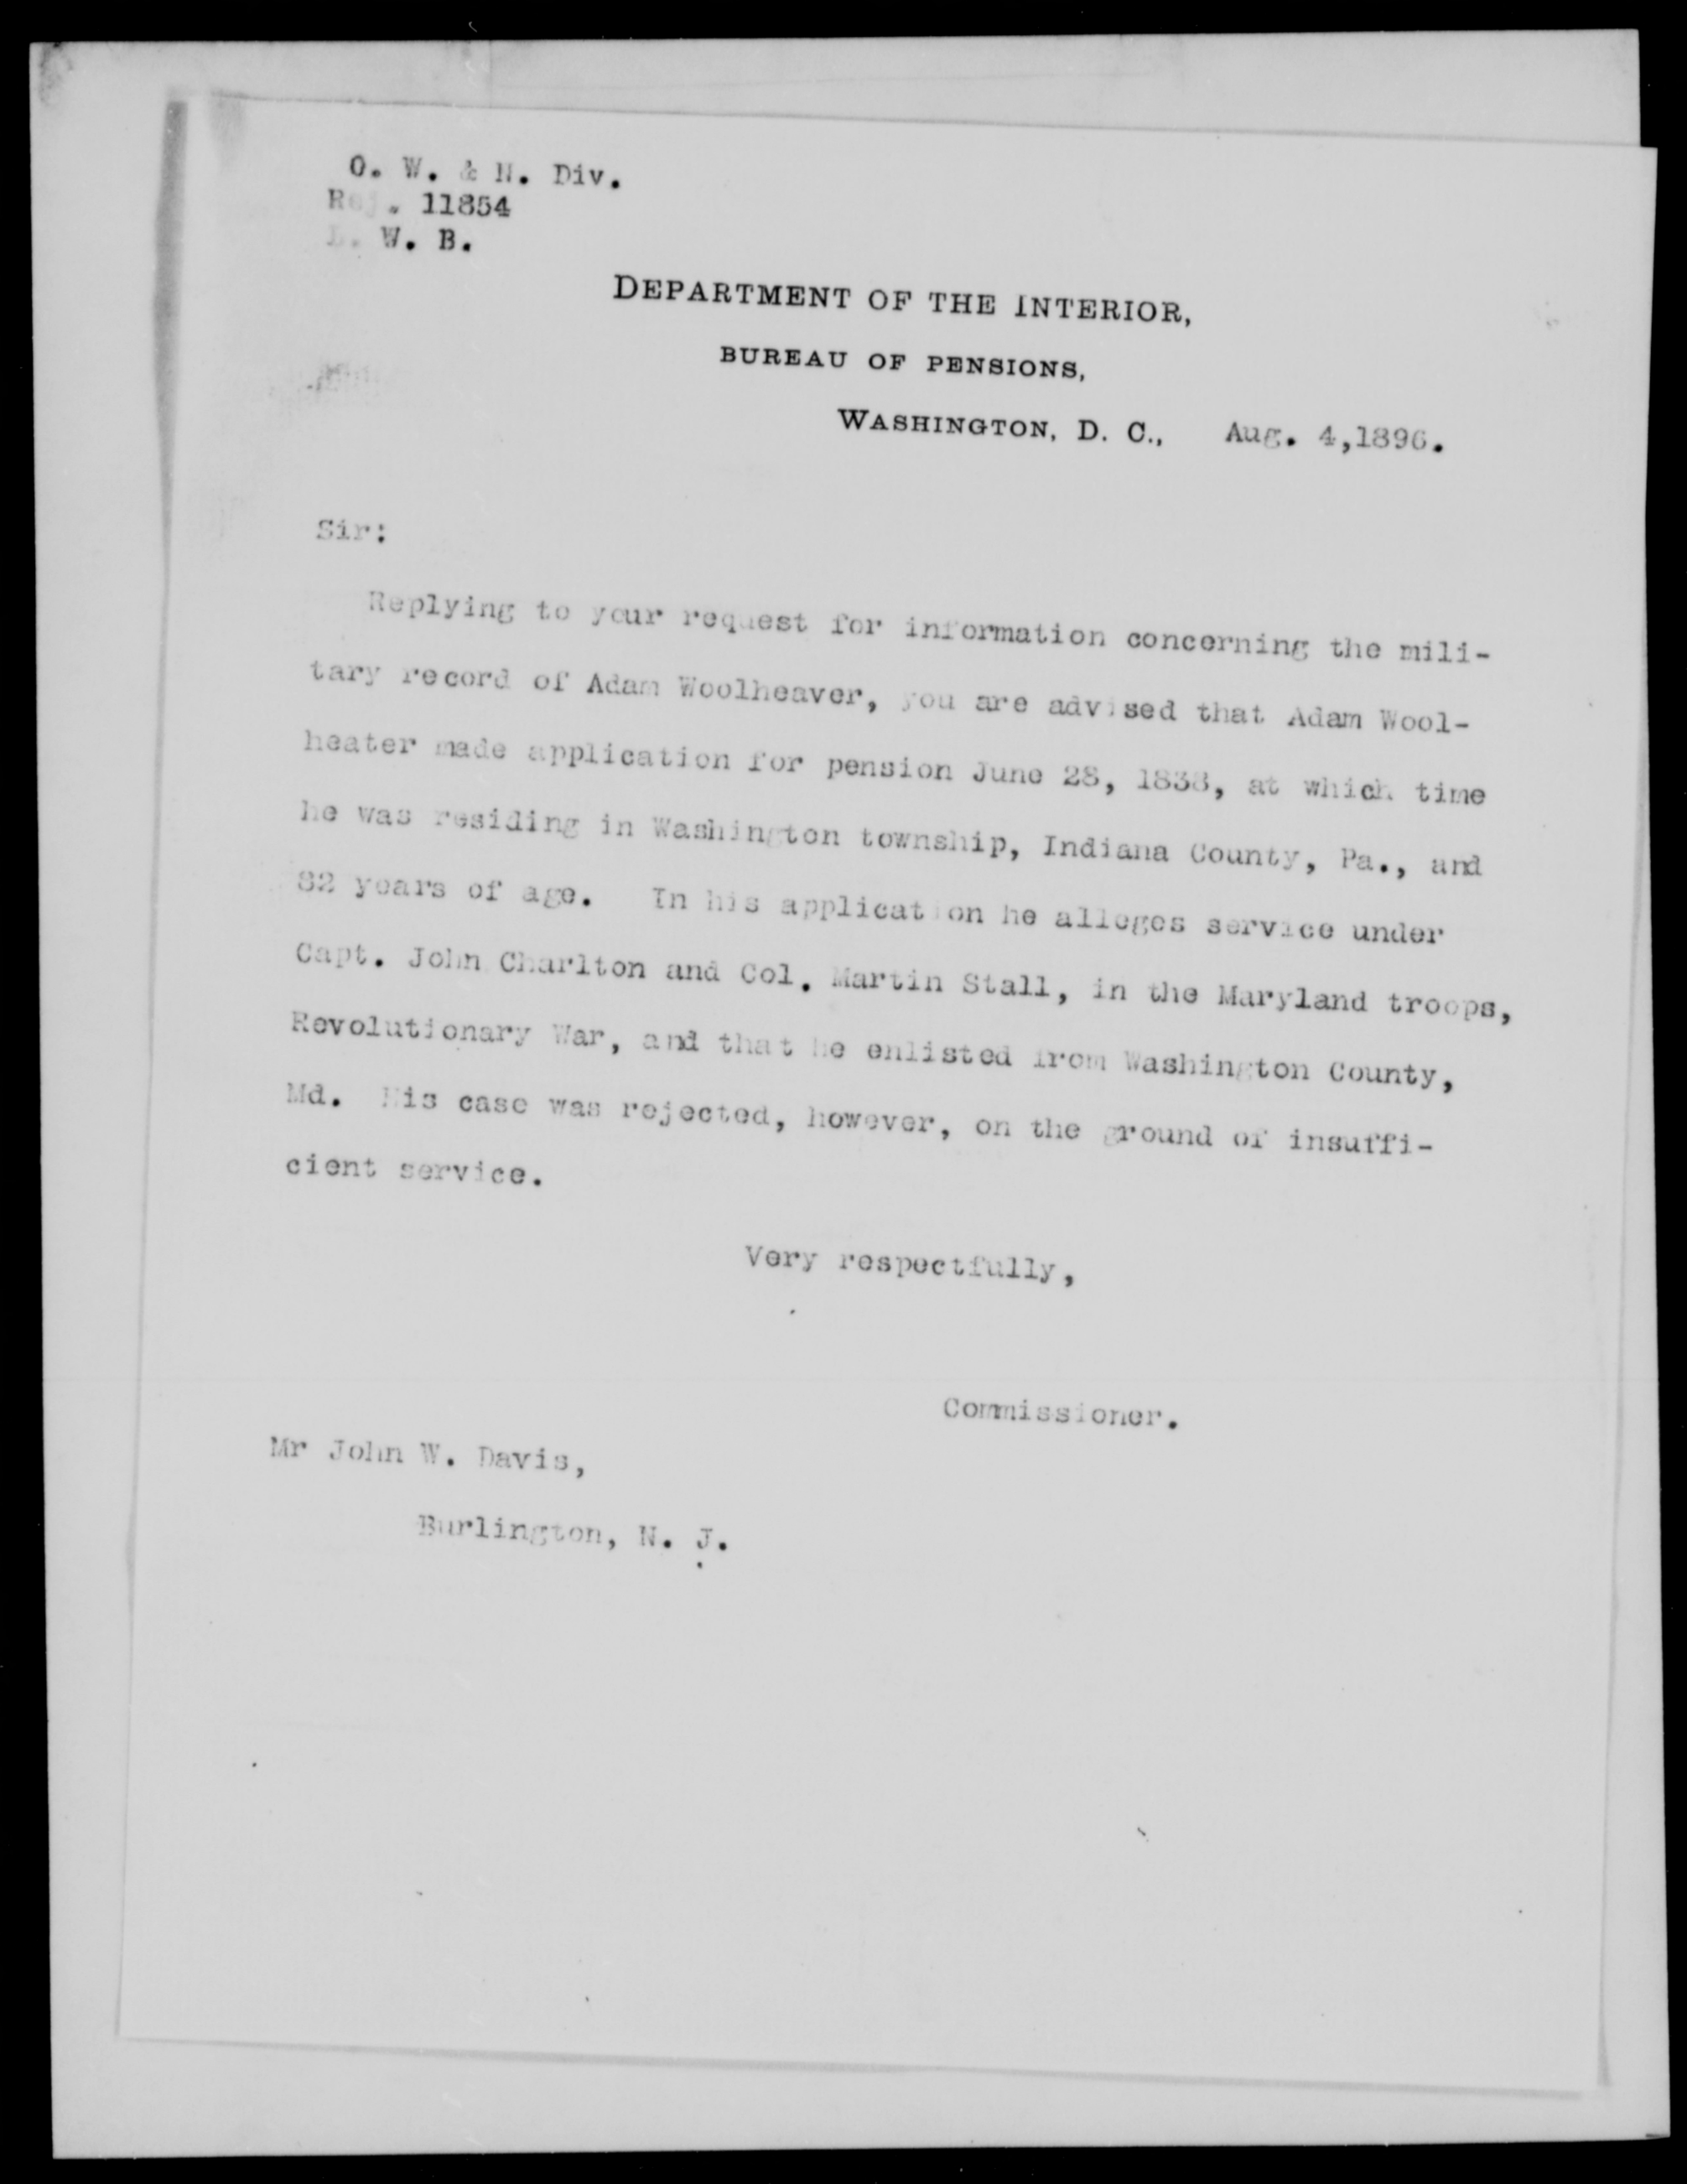O. W. & N. Div.
R. 11854
E. W. B.

DEPARTMENT OF THE INTERIOR.
BUREAU OF PENSIONS.
WASHINGTON, D. C., Aug. 4, 1896.
Sir:
Replying to your request for information concerning the military record of Adam Woolheaver, you are advised that Adam Woolheater made application for pension June 28, 1833, at which time he was residing in Washington township, Indiana County, Pa., and 82 years of age. In his application he alleges service under Capt. John Charlton and Col. Martin Stall, in the Maryland troops, Revolutionary War, and that he enlisted from Washington County, Md. His case was rejected, however, on the ground of insufficient service.
Very respectfully,
Commissioner.

Mr John W. Davis.
Burlington, N. J.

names: Martin Stall, John W Davis, Adam Woolheaver, John Charlton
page: 7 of 18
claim: rejected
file: R. 11854, Adam Woolheater, Md.